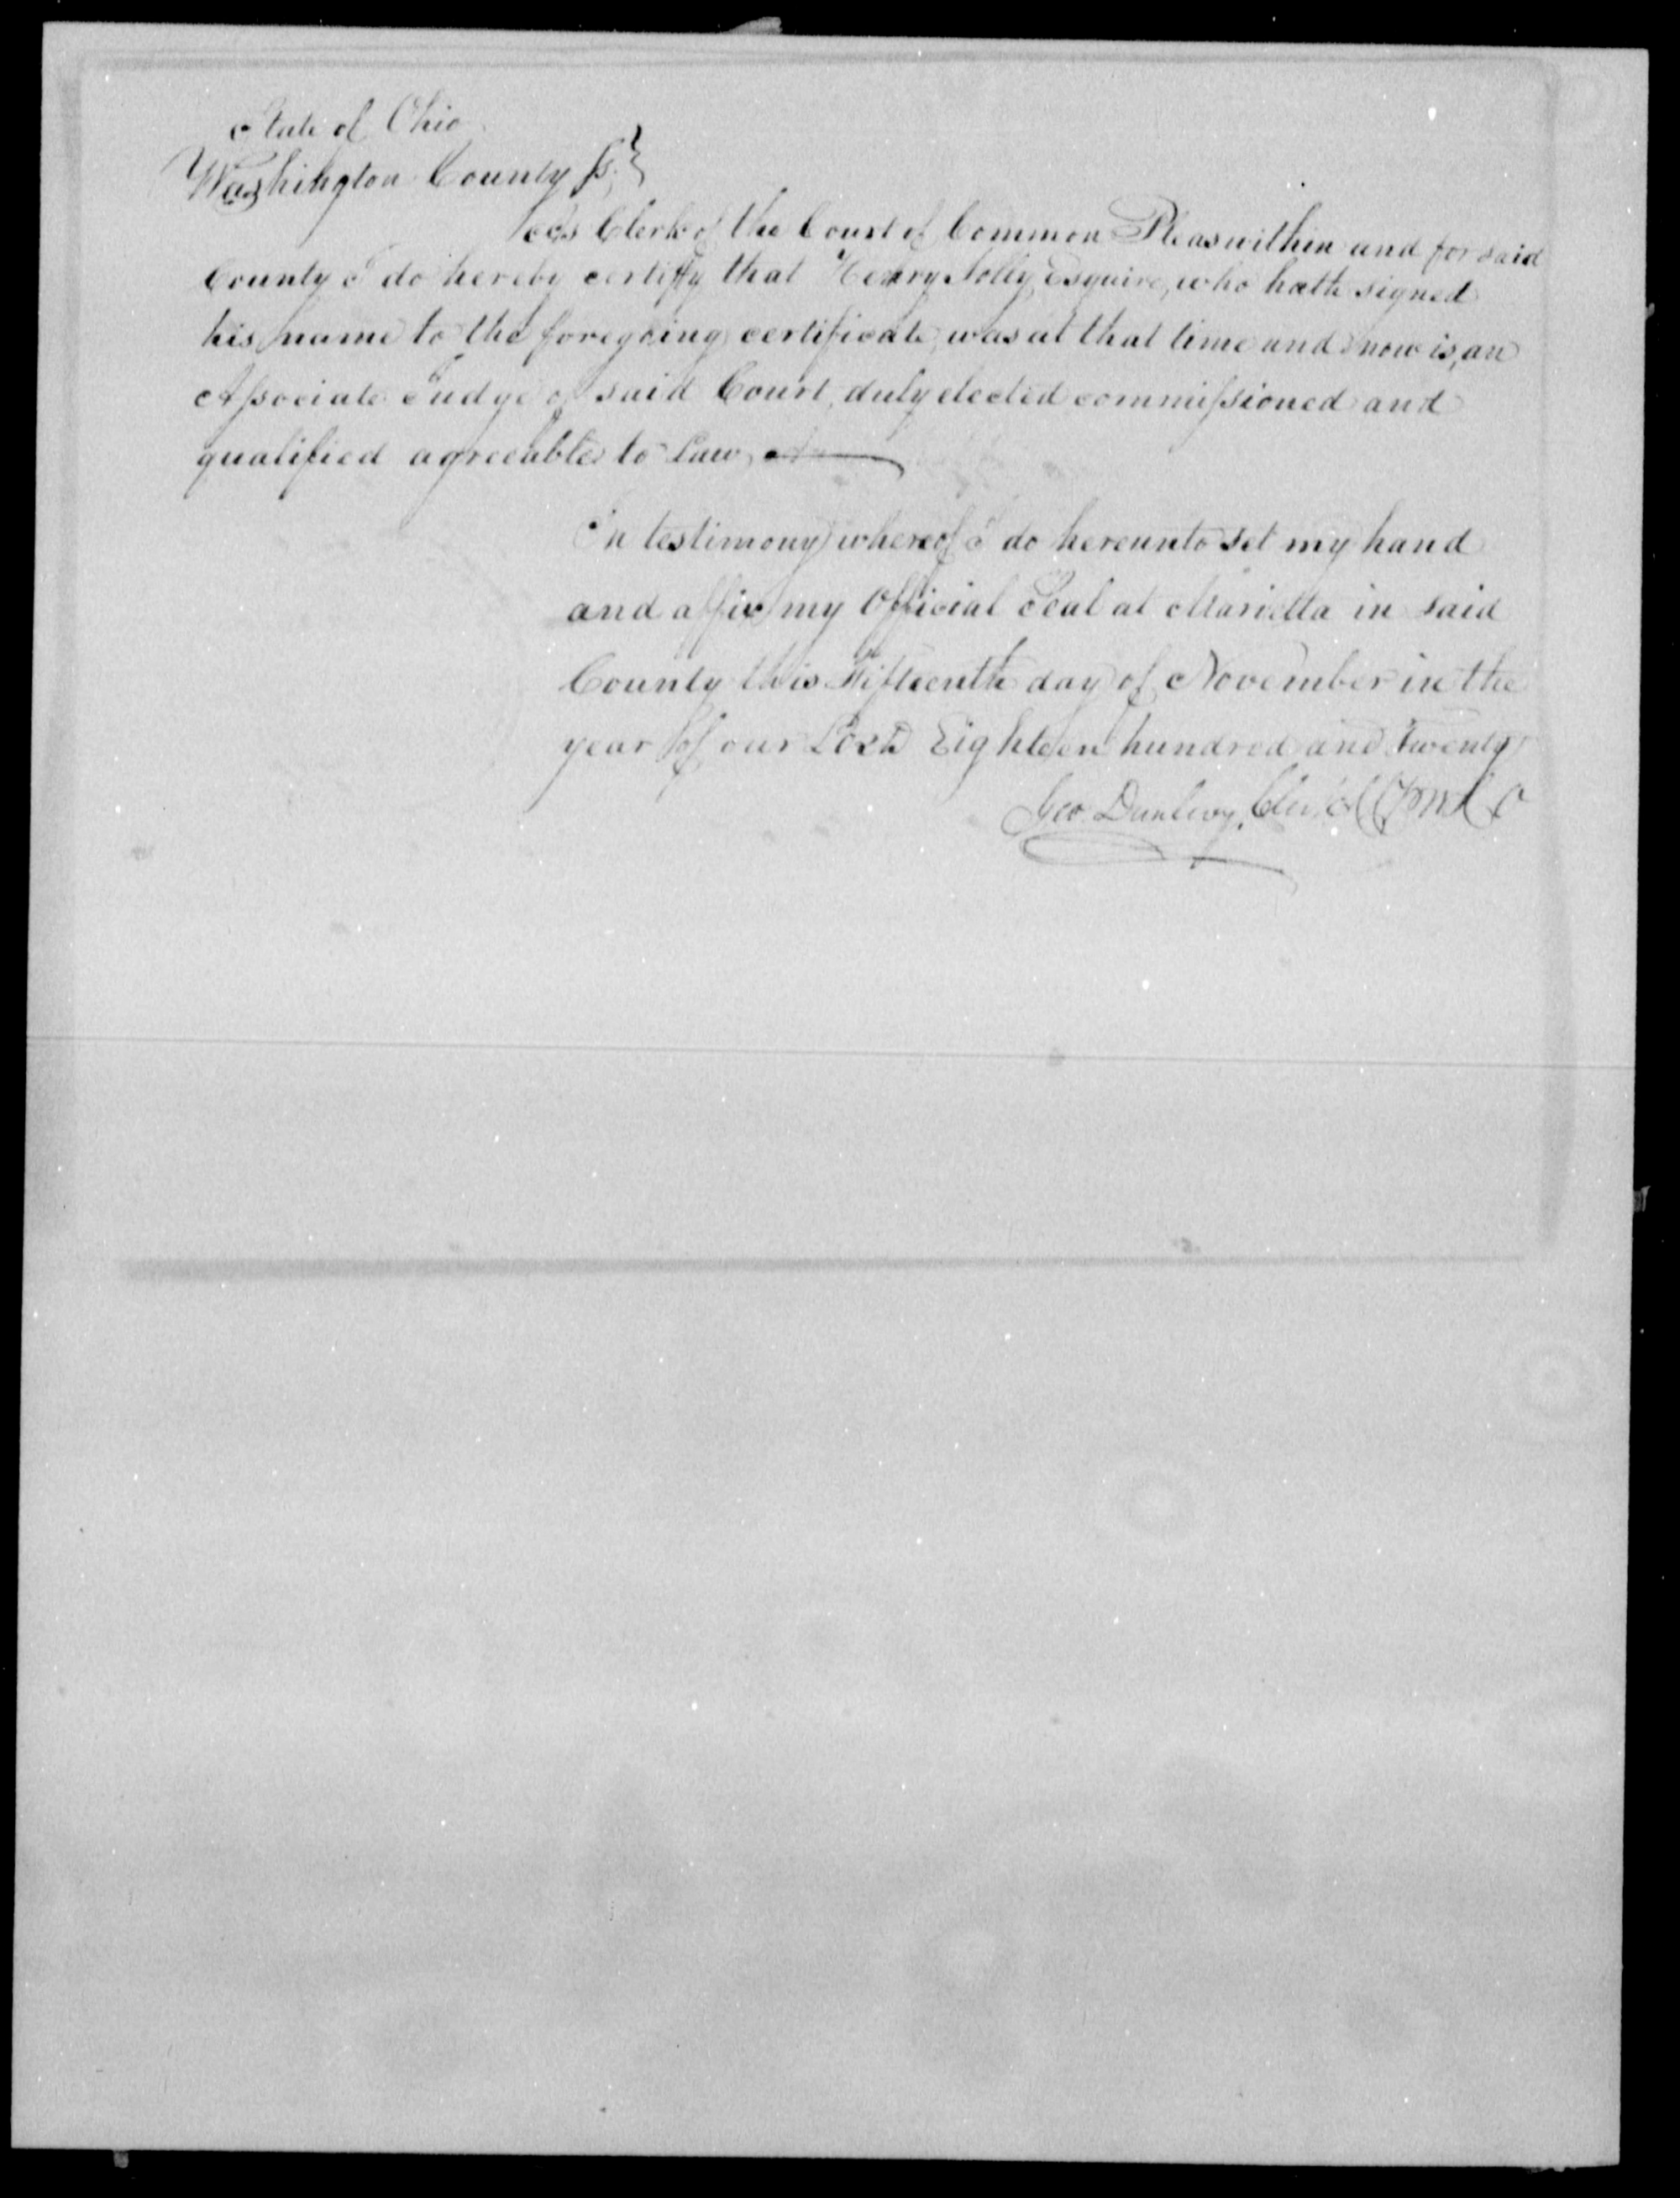State of Ohio Washington County
Clerk of the Court of Common Pleas within and for said County I do hereby certify that Henry Jolly Esquire who has signed his name to the foregoing certificate was at that time and now is an Associate Judge of said Court duly elected commissioned and qualified agreeable to the Law - 
In testimony whereof I do hereunto set my hand and affix my Official Seal at Marietta in the said county this Fifteenth day of November in the year of our Lord Eighteen hundred and twenty
Geo Dunlevy  Clerk of Court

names: Henry Jolly; Geo Dunlevy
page: 18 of 20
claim: survivor's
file: S. 40,990, for John Mc Cush Robert Ray, Pennsylvania